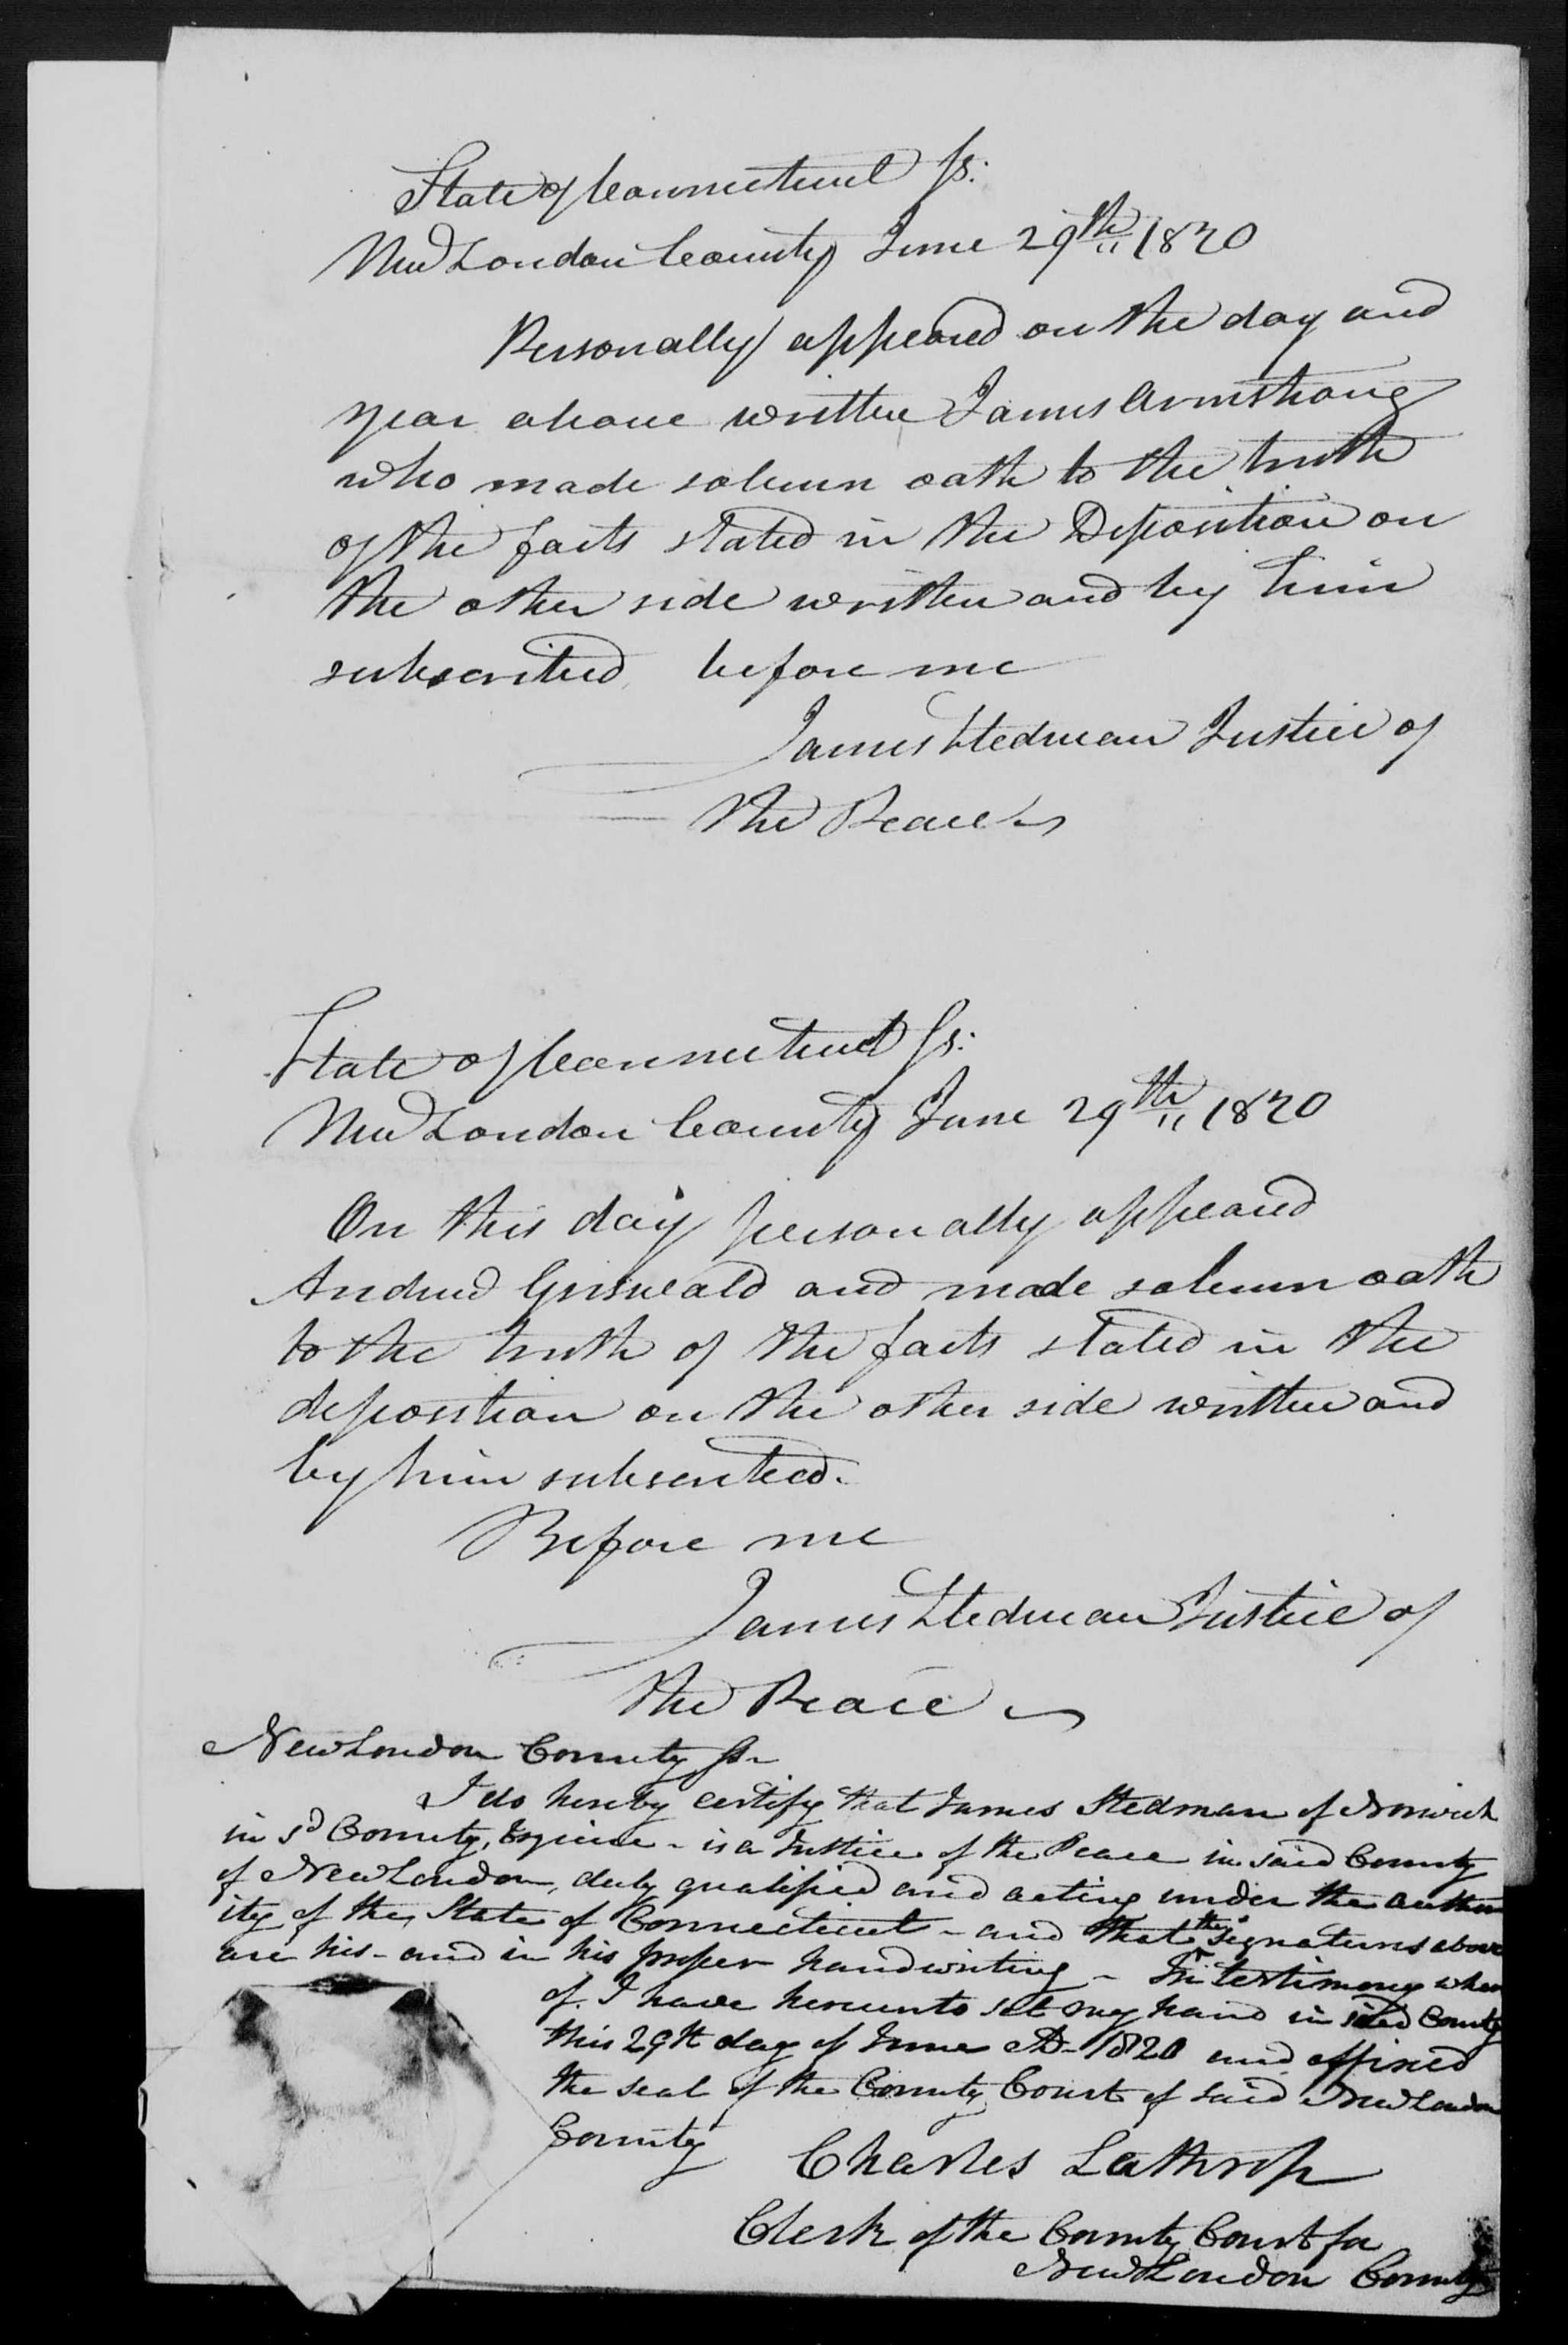State of Connecticut ss:
New London County June 29th, 1820
Personally appeared on the day and year above written, James Armstrong who made solemn oath to the truth of the facts stated in the Deposition on the other side written by him subscribed before me
James Stedman Justice of the Peace
State of Connecticut ss:
New London County June 29th, 1820
On this day personally appeared Andrew Griswold and made solemn oath to the truth of the facts stated in the deposition on the other side written and by him subscribed.
Before me
James Stedman Justice of the Peace
New London County ss.
I do hereby certify that James Stedman of Norwich in sd County, Esquire - is a Justice of the Peace in said County of New London, duly qualified and acting under the authority of the State of Connecticut - and that ^the signatures above are his - and in his proper handwriting -  In testimony whereof I have hereunto set my hand in said County this 29th day of June AD 1820 and affixed the seal of the County Court of said New London County
Charles Lathrop
Clerk of the County Court for New London County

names: James Armstrong, Charles Lathrop, James Stedman, Andrew Griswold, James Stedman, James Stedman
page: 29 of 50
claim: widow's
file: W. 8559, Ebenezer Ayer, Continental (Conn)